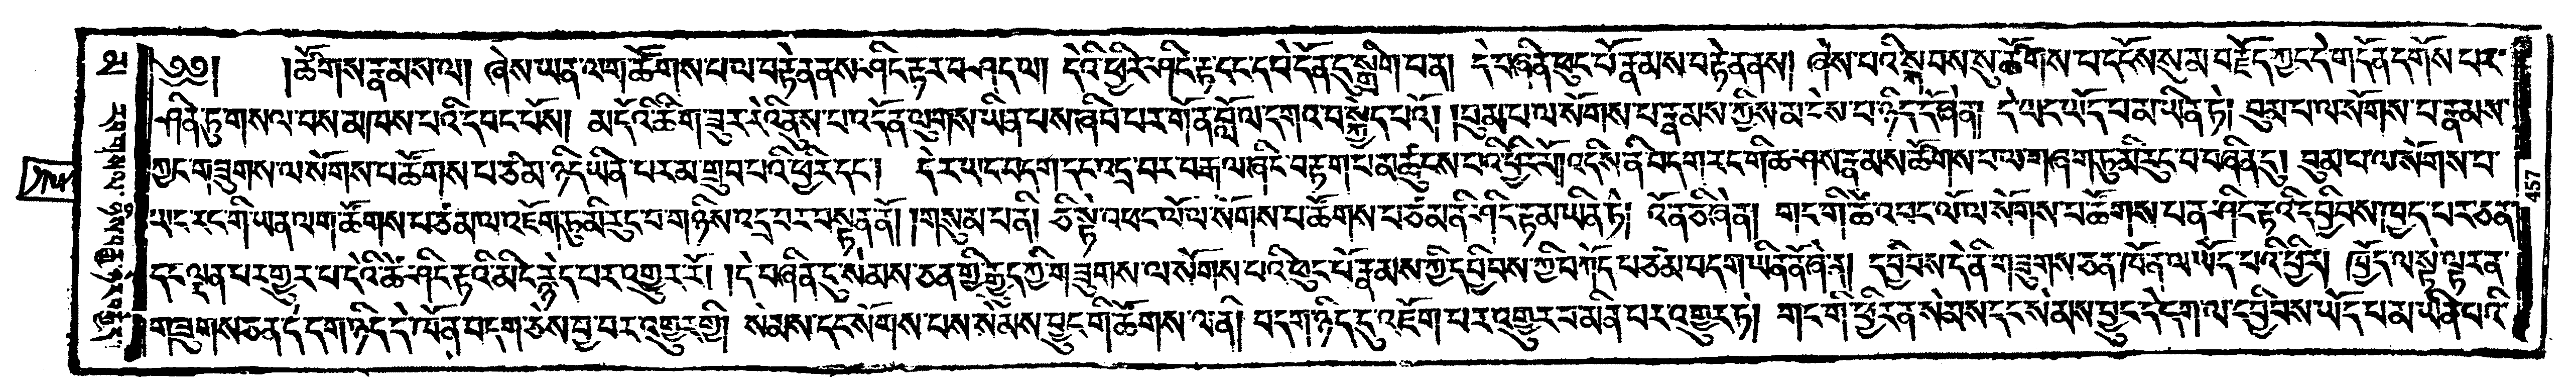༄༅། །ཚོགས་རྣམས་ལ། ཞེས་ཡན་ལག་ཚོགས་པ་ལ་བརྟེན་ནས་ཤིང་རྟར་བཤད་ལ། དེའི་ཕྱིར་ཤིང་རྟ་དང་དཔེ་དོན་དུ་སྒྲིག་པ་ན། དེ་བཞིན་ཕུང་པོ་རྣམས་བརྟེན་ནས། ཞེས་པའི་སྐབས་སུ་ཚོགས་པ་དངོས་སུ་མ་བརྗོད་ཀྱང་དེ་གདོན་དགོས་པར་
ཤིན་ཏུ་གསལ་བས་མཁས་པའི་དབང་པོས། མདོའི་ཚིག་ཟུར་རེའི་ནུས་པ་འདོན་ལུགས་ཡིན་པས་ཞིབ་པར་གོ་ན་བློ་ལ་དགའ་བ་སྐྱེད་པའོ། །བུམ་པ་ལ་སོགས་པ་རྣམས་ཀྱིས་མ་ངེས་པ་ཉིད་དོ་ཞེ་ན། དེ་ཡང་ཡོད་པ་མ་ཡིན་ཏེ། བུམ་པ་ལ་སོགས་པ་རྣམས་
ཀྱང་གཟུགས་ལ་སོགས་པ་ཚོགས་པ་ཙམ་ཉིད་ཡིན་པར་མ་གྲུབ་པའི་ཕྱིར་དང་། དེར་ཡང་བདག་དང་འདྲ་བར་བརྒལ་ཞིང་བརྟག་པ་མཚུངས་པའི་ཕྱིར་རོ། །འདིས་ནི་བདག་རང་གི་ཆ་ཤས་རྣམས་ཚོགས་པ་ལ་གཞག་ཏུ་མི་རུང་བ་བཞིན་དུ། བུམ་པ་ལ་སོགས་པ་
ཡང་རང་གི་ཡན་ལག་ཚོགས་པ་ཙམ་ལ་འཇོག་ཏུ་མི་རུང་བ་གཉིས་འདྲ་བར་བསྟན་ནོ། །གསུམ་པ་ནི། ཅི་སྟེ་འཕང་ལོ་ལ་སོགས་པ་ཚོགས་པ་ཙམ་ནི་ཤིང་རྟ་མ་ཡིན་ཏེ། འོ་ན་ཅི་ཞེ་ན། གང་གི་ཚེ་འཕང་ལོ་ལ་སོགས་པ་ཚོགས་པ་ན་ཤིང་རྟའི་དབྱིབས་ཁྱད་པར་ཅན་
དང་ལྡན་པར་གྱུར་པ་དེའི་ཚེ་ཤིང་རྟའི་མིང་རྙེད་པར་འགྱུར་རོ། །དེ་བཞིན་དུ་སེམས་ཅན་གྱི་རྒྱུད་ཀྱི་གཟུགས་ལ་སོགས་པའི་ཕུང་པོ་རྣམས་ཀྱི་དབྱིབས་ཀྱི་བཀོད་པ་ཙམ་བདག་ཡིན་ནོ་ཞེ་ན། དབྱིབས་དེ་ནི་གཟུགས་ཅན་ཁོ་ན་ལ་ཡོད་པའི་ཕྱིར། ཁྱོད་ལ་སྟེ་ལྟར་ན་
གཟུགས་ཅན་དེ་དག་ཉིད་དེ་ཁོ་ན་བདག་ཅེས་བྱ་པར་འགྱུར་གྱི། སེམས་དང་སོགས་པས་སེམས་བྱུང་གི་ཚོགས་ལ་ནི། བདག་ཉིད་དུ་འཇོག་པར་འགྱུར་བ་མིན་པར་འགྱུར་ཏེ། གང་གི་ཕྱིར་ན་སེམས་དང་སེམས་བྱུང་དེ་དག་ལ་དབྱིབས་ཡོད་པ་མ་ཡིན་པའི་